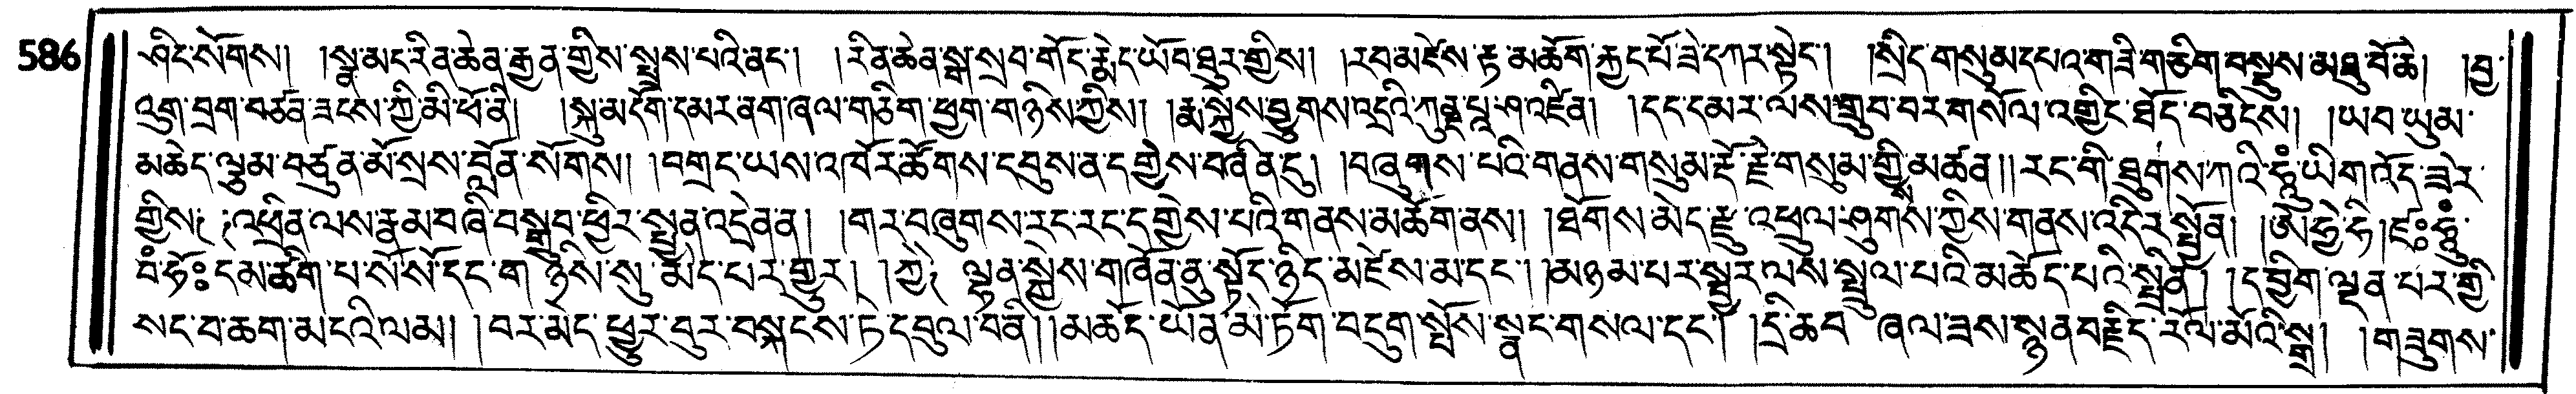ཤིང་སོགས། །སྣ་མང་རིན་ཆེན་རྒྱན་གྱིས་སྤྲས་པའི་ནང་། །རིན་ཆེན་སྒ་སྲབ་གོང་རྨེད་ཡོབ་ཐུར་གྱིས། །རབ་མཛེས་རྟ་མཆོག་རྐྱང་པོ་ཟེ་དཀར་སྟེང་། །སྲིད་གསུམ་དཔའ་གཟི་གཅིག་བསྡུས་མཐུ་བོ་ཆེ། །བྱ་
འུག་བྲག་བཙན་ཟངས་ཀྱི་མི་ཕོ་ནི། །སྐུ་མདོག་དམར་ནག་ཞལ་གཅིག་ཕྱག་གཉིས་ཀྱིས། །རྨ་སྐྱེས་བྱུགས་འདྲའི་ཀུནྡ་པཱ་ཤ་འཛིན། །དང་དམར་ལས་གྲུབ་བར་གསོལ་འགྱིང་ཐོད་བཅིངས། །ཡབ་ཡུམ་
མཆེད་ལྕམ་བཙུན་མོ་སྲས་བློན་སོགས། །བགྲང་ཡས་འཁོར་ཚོགས་དབུས་ན་དགྱེས་བཞིན་དུ། །བཞུགས་པའི་གནས་གསུམ་རྡོ་རྗེ་གསུམ་གྱིས་མཚན། །རང་གི་ཐུགས་ཀའི་ཧཱུཾ་ཡིག་འོད་ཟེར་
གྱིས༑ ༑འཕྲིན་ལས་རྣམ་བཞི་བསྒྲུབ་ཕྱིར་སྤྱན་འདྲེན་ན། །གར་བཞུགས་རང་རང་དགྱེས་པའི་གནས་མཆོག་ནས། །ཐོགས་མེད་རྫུ་འཕྲུལ་ཤུགས་ཀྱིས་གནས་འདིར་སྤྱོན། །ཨེ་ཧྱེ་ཧི། ཛཿཧཱུཾ་
བཾ་ཧོཿདམ་ཚིག་པ་སོ་སོ་དང་གཉིས་སུ་མེད་པར་གྱུར། །ཀྱཻ༑ ལྷན་སྐྱེས་གཞོན་ནུ་སྟོང་ཉིད་མཛེས་མ་དང་། །མཉམ་པར་སྦྱར་ལས་སྤྲུལ་པའི་མཆོད་པའི་སྤྲིན། །དབྱིག་ལྡན་པར་གྱི་
སང་བ་ཆག་མངའི་ལམ། །བར་མེད་ཕྱུར་བུར་བསྐངས་ཏེ་དབུལ་བ་ནི། །མཆོད་ཡོན་མེ་ཏོག་བདུག་སྤོས་སྣང་གསལ་དང་། །དྲི་ཆབ་ཞལ་ཟས་སྙན་བརྗིད་རོལ་མོའི་སྒྲ། །གཟུགས་